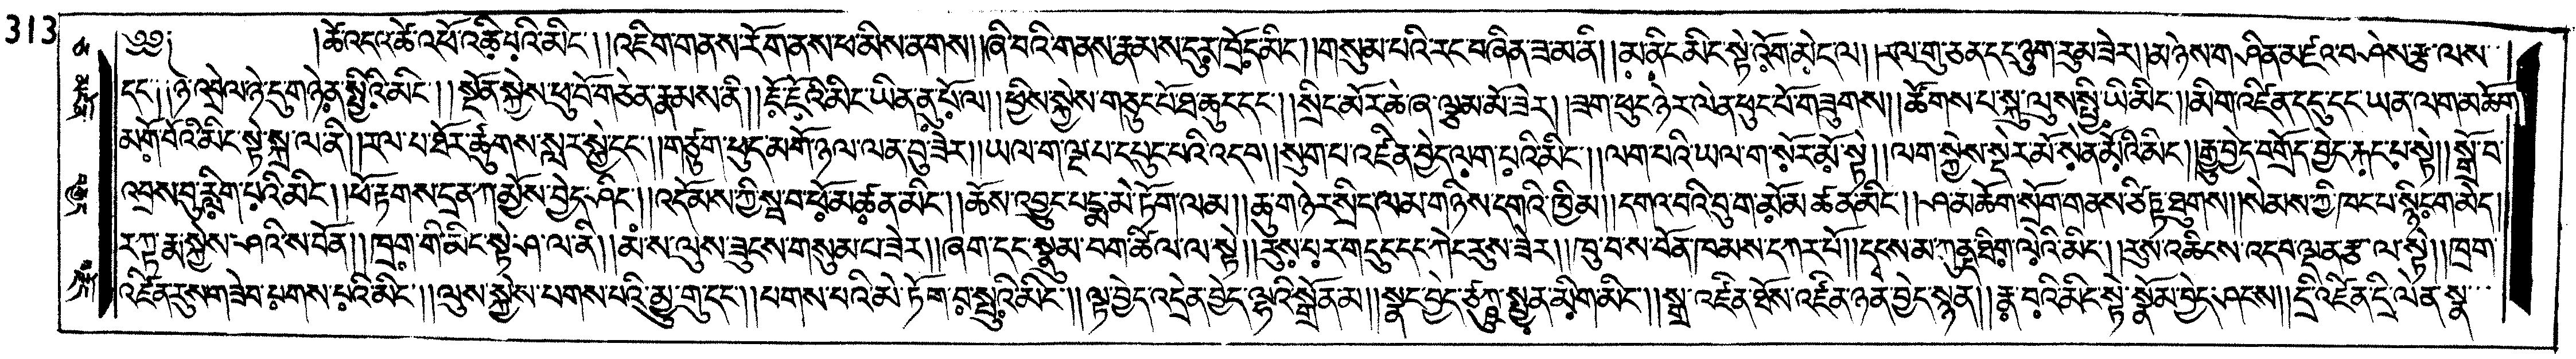༄༅། །ཚེ་འདའ་ཚེ་འཕོ་འཆི་པའི་མིང་། །འཇིག་གནས་རོག་ནས་ཕ་མིས་ནགས། །ཞི་བའི་གནས་རྣམས་དུར་ཁྲོད་མིང་། །གསུམ་པའི་རང་བཞིན་ཟ་མ་ནི། །མ་ནིང་མིང་སྟེ་འོག་མེད་ལ། །རལ་གུ་ཅན་དང་ཉུག་རུམ་ཟེར། །མཉེས་གཤིན་མཛའ་བཤེས་རྩ་ལས་
དང་། །ཉེ་འབྲེལ་ཉེ་དུ་གཉེན་སྤྱིའི་མིང་། །སྔོན་སྐྱེས་ཕུ་བོ་གཅེན་རྣམས་ནི། །ཇོ་ཇོའི་མིང་ཡིན་ནུ་པོ་ལ། །ཕྱིས་སྐྱེས་གཅུང་པོ་ཐ་ཆུང་དང་། །སྲིང་མོར་ཆེ་ཞ་ལྕམ་མོ་ཟེར། །ཟག་ཕུང་ཉེར་ལེན་ཕུང་པོ་གཟུགས། །ཚོགས་པ་སྐུ་ལུས་སྤྱི་ཡི་མིང་། །མིག་འཛིན་དུང་དང་ཡན་ལག་མཆོག་
མགོ་བོའི་མིང་སྟེ་སྐྲ་ལ་ནི། །རལ་པ་ཐོར་ཚུགས་སླར་སྐྱེ་དང་། །གཙུག་ཕུད་མགོ་ཉལ་ལན་བུ་ཟེར། །ཡལ་ག་ལྔ་པ་དཔུང་བའི་འདབ། །སུག་པ་འཛིན་བྱེད་ལག་པའི་མིང་། །ལག་པའི་ཡལ་གསོར་མོ་སྟེ། །ལག་སྐྱེས་སྡེར་མོ་སེན་མོའི་མིང་། །རྒྱུ་བྱེད་བགྲོད་བྱེད་རྐང་པ་སྟེ། །སྒྲོ་བ་
འབྲས་བུ་རླིག་པའི་མིང་། །ཕོ་རྟགས་དྲན་ཀ་མྱོས་བྱེད་ཤིང་། །འདོམས་ཀྱི་སྦ་བ་ཕོཾ་མཚན་མིང་། །ཆོས་འབྱུང་པདམ་མེ་ཏོག་ལམ། །ཆུ་གཉེར་སྲིད་ལམ་གཉིས་དགའི་ཁྱིམ། །དགའ་བའི་བུ་ག་མོ་མཚན་མིང་། །ཤ་མཆོག་སྲོག་གནས་རྩིཏྟ་ཐུགས། །སེམས་ཀྱི་ཁང་པ་སྙིང་ག་མེད།
རཀྟ་རྨ་སྐྱེས་ཤའི་ས་བོན། །ཁྲག་གི་མིང་སྟེ་ཤ་ལ་ནི། །མཾ་ས་ལུས་ཟུངས་གསུམ་བ་ཟེར། །ཞག་དང་སྣུམ་བག་ཚིལ་ལ་སྟེ། །རུས་པར་གདུང་དང་ཀེང་རུས་ཟེར། །ཁུ་བ་ས་བོན་ཁམས་དཀར་པོ། །དྭངས་མ་ཀུན་ད་ཐིག་ལེའི་མིང་། །རུས་འཆིངས་འདབ་ལྡན་རྩ་ལ་སྟེ། །ཁྲག་
འཛིན་རུས་གཟེབ་པགས་པའི་མིང་། །ལུས་སྐྱེས་པགས་པའི་མྱུ་གུ་དང་། །པགས་པའི་མེ་ཏོག་བ་སྦུའི་མིང་། །ལྟ་བྱེད་འདྲན་བྱེད་ལྷའི་སྒྲོན་མ། །སྣང་བྱེད་རྩཀྵ་སྤྱན་མིག་མིང་། །སྒྲ་འཛིན་ཐོས་འཛིན་ཉན་བྱེད་སྙན། །རྣ་བའི་མིང་སྟེ་སྙོམ་བྱེད་ཤབས། །དྲི་འཛིན་ལེན་སྣ་